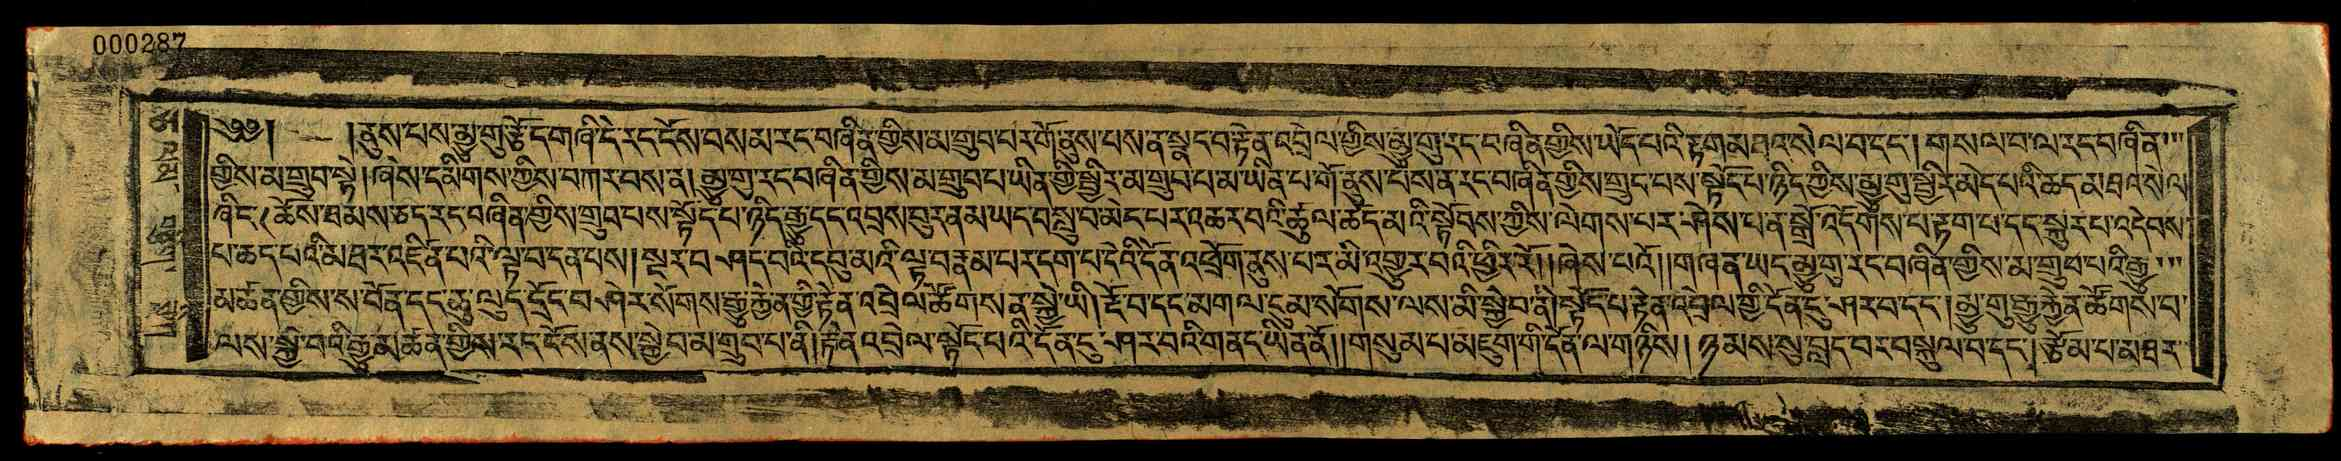༄༅། །ནུས་པས་མྱུ་གུ་རྩོད་གཞི་དེ་རང་ངེས་བསམ་རང་བཞིན་གྱིས་མ་གྲུབ་པར་གོ་ནུས་པས་ན་སྣང་བརྟེན་འབྲེལ་གྱིས་མྱུ་གུ་རང་བཞིན་གྱིས་ཡོད་པའི་རྟག་མཐའ་སེལ་བ་དང་། གསལ་བ་ལ་རང་བཞིན་
གྱིས་མ་གྲུབ་སྟེ། ཞེས་དམིགས་ཀྱིས་བཀར་བས་ན། མྱུ་གུ་རང་བཞིན་གྱིས་མ་གྲུབ་པ་ཡིན་གྱི་སྤྱིར་མ་གྲུབ་པ་མ་ཡིན་པ་གོ་ནུས་ལས་ན་རང་བཞིན་གྱིས་གྲུབ་པས་སྟོང་པ་ཉིད་ཀྱིས་མྱུ་གུ་སྤྱིར་མེད་པའི་ཆད་མཐའ་སེལ་
ཞིང༑ ཆོས་ཐམས་ཅད་རང་བཞིན་གྱིས་གྲུབ་པས་སྟོང་པ་ཉིད་རྒྱུ་དང་འབྲས་བུར་ནམ་ཡང་བསླུ་བ་མེད་པར་འཆར་བའི་ཚུལ་ཚད་མའི་སྟོབས་ཀྱིས་ལེགས་པར་ཤེས་པ་ན་སྒྲོ་འདོགས་པ་རྟག་པ་དང་སྐུར་བ་འདེབས་
པ་ཆུད་པའི་མཐར་འཛིན་བའི་ལྟ་བ་ངན་པས། སྔར་བཤད་པའི་དབུ་མའི་ལྟ་བ་རྣམ་པར་དག་པ་དེའི་དོན་འཕྲོག་ནུས་ཕར་མི་འགྱུར་བའི་ཕྱིར་རོ། །ཞེས་པའོ། །གཞན་ཡང་མྱུ་གུ་རང་བཞིན་གྱིས་མ་གྲུབ་པའི་རྒྱུ་་་
མཚན་གྱིས་ས་བོན་དང་ཆུ་ལུད་དྲོད་བཤེར་སོགས་རྒྱུ་རྐྱེན་གྱི་རྟེན་འབྲེལ་ཚོགས་ན་སྐྱེ་ཡི། རྡོ་བ་དང་མགལ་དུ་མ་སོགས་ལས་མི་སྐྱེ་བ་ནི། སྟོང་ལ་རྟེན་འབྲེལ་གྱི་དོན་དུ་ཤར་བ་དང་། མྱུ་གུ་རྒྱུ་རྐྱེན་ཚོགས་པ་
ལས་སྐྱེ་བའི་རྒྱུ་མཚན་གྱིས་རང་ངོས་ནས་སྐྱེ་བ་མ་གྲུབ་པ་ནི། རྟེན་འབྲེལ་སྟོང་བའི་དོན་དུ་ཤར་བའི་གནང་ཡིན་ནོ། །གསུམ་པ་མཇུག་གི་དོན་ལ་གཉིས། ཉམས་སུ་བླང་བར་བསྐུལ་བ་དང་། རྩོམ་པ་མཐར་